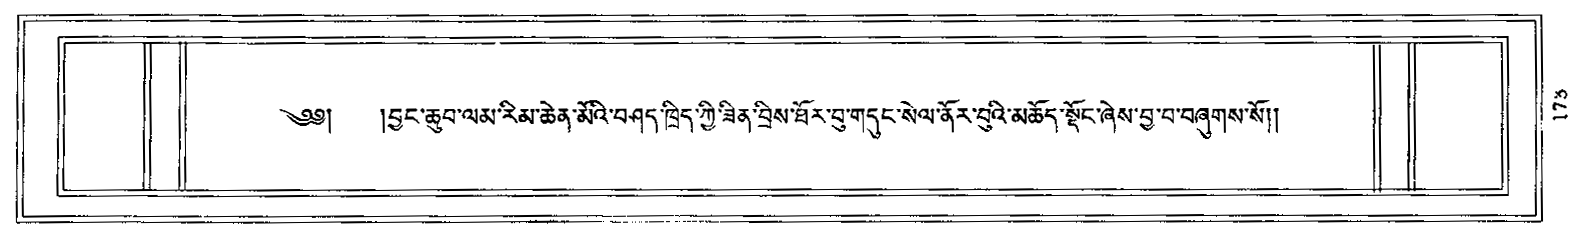༄༅། །བྱང་ཆུབ་ལམ་རིམ་ཆེན་མོའི་བཤད་ཁྲིད་ཀྱི་ཟིན་བྲིས་ཐོར་བུ་གདུང་སེལ་ནོར་བུའི་མཆོད་སྡོང་ཞེས་བྱ་བ་བཞུགས་སོ།།